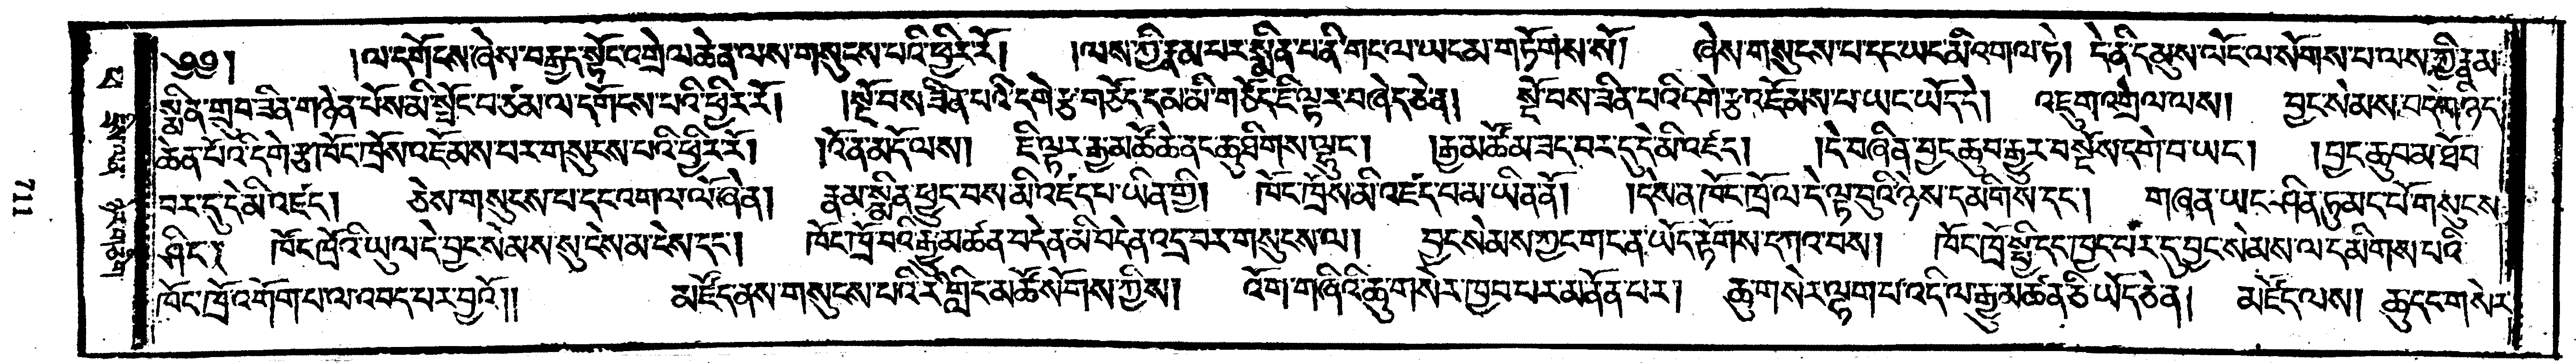༄༅། །ལ་དགོངས་ཞེས་བརྒྱད་སྟོང་འགྲེལ་ཆེན་ལས་གསུངས་པའི་ཕྱིར་རོ། །ལས་ཀྱི་རྣམ་པར་སྨིན་པ་ནི་གང་ལ་ཡང་མ་གཏོགས་སོ། ཞེས་གསུངས་པ་དང་ཡང་མི་འགལ་ཏེ། དེ་ནི་དམུས་ལོང་ལ་སོགས་པ་ལས་ཀྱི་རྣམ་
སྨིན་གྲུབ་ཟིན་གཉེན་པོས་མི་སྤོང་བ་ཙམ་ལ་དགོངས་པའི་ཕྱིར་རོ། །སྔོ་བས་ཟིན་པའི་དགེ་རྩ་གཅོད་དམ་མི་གཅོད་ཇི་ལྟར་བཞེད་ཅེ་ན། སྔོ་བས་ཟིན་པའི་དགེ་རྩ་འཇོམས་པ་ཡང་ཡོད་དེ། འཇུག་འགྲེལ་ལས། བྱང་སེམས་བདག་ཉིད་
ཆེན་པོའི་དགེ་རྩ་ཁོང་ཁྲོས་འཇོམས་པར་གསུངས་པའི་ཕྱིར་རོ། །འོ་ན་མདོ་ལས། ཇི་ལྟར་རྒྱ་མཚོ་ཆེ་ནང་ཆུ་ཐིགས་ལྷུང་། །རྒྱ་མཚོ་མ་ཟང་བར་དུ་དེ་མི་འཛད། །དེ་བཞིན་བྱང་ཆུབ་རྒྱུར་བསྔོས་དགེ་བ་ཡང་། །བྱང་ཆུབ་མ་ཐོབ་
པར་དུ་དེ་མི་འཛད། ཅེས་གསུངས་པ་དང་འགལ་ལོ་ཞེ་ན། རྣམ་སྨིན་ཕྱུང་བས་མི་འཛད་པ་ཡིན་གྱི། ཁོང་ཁྲོས་མི་འཛད་པ་མ་ཡིན་ནོ། །དེས་ན་ཁོང་ཁྲོལ་དེ་ལྟ་བུའི་ཉེས་དམིགས་དང་། གཞན་ཡང་ཤིན་ཏུ་མང་པོ་གསུངས་
ཤིང༑ ཁོང་ཁྲོའི་ཡུལ་དེ་བྱང་སེམས་སུ་ངེས་མ་ངེས་དང་། ཁོང་ཁྲོ་བའི་རྒྱུ་མཚན་བདེན་མི་བདེན་འདྲ་བར་གསུངས་ལ། བྱང་སེམས་ཀྱང་གང་ན་ཡོད་རྟོགས་དཀའ་བས། ཁོང་ཁྲོ་སྤྱི་དང་ཁྱད་པར་དུ་བྱང་སེམས་ལ་དམིགས་པའི་
ཁོང་ཁྲོ་འགོག་པ་ལ་འབད་པར་བྱའོ།། མཛོད་ནས་གསུངས་པའི་རི་གླིང་མཚོ་སོགས་ཀྱིས། འོག་གཞིའི་ཆུ་གསེར་ཁྱབ་པར་མ་ནོན་པར། ཆུ་གསེར་ལྷག་པ་འདི་ལ་རྒྱུ་མཚན་ཅི་ཡོད་ཅེ་ན། མཛོད་ལས། ཆུ་དང་གསེར་